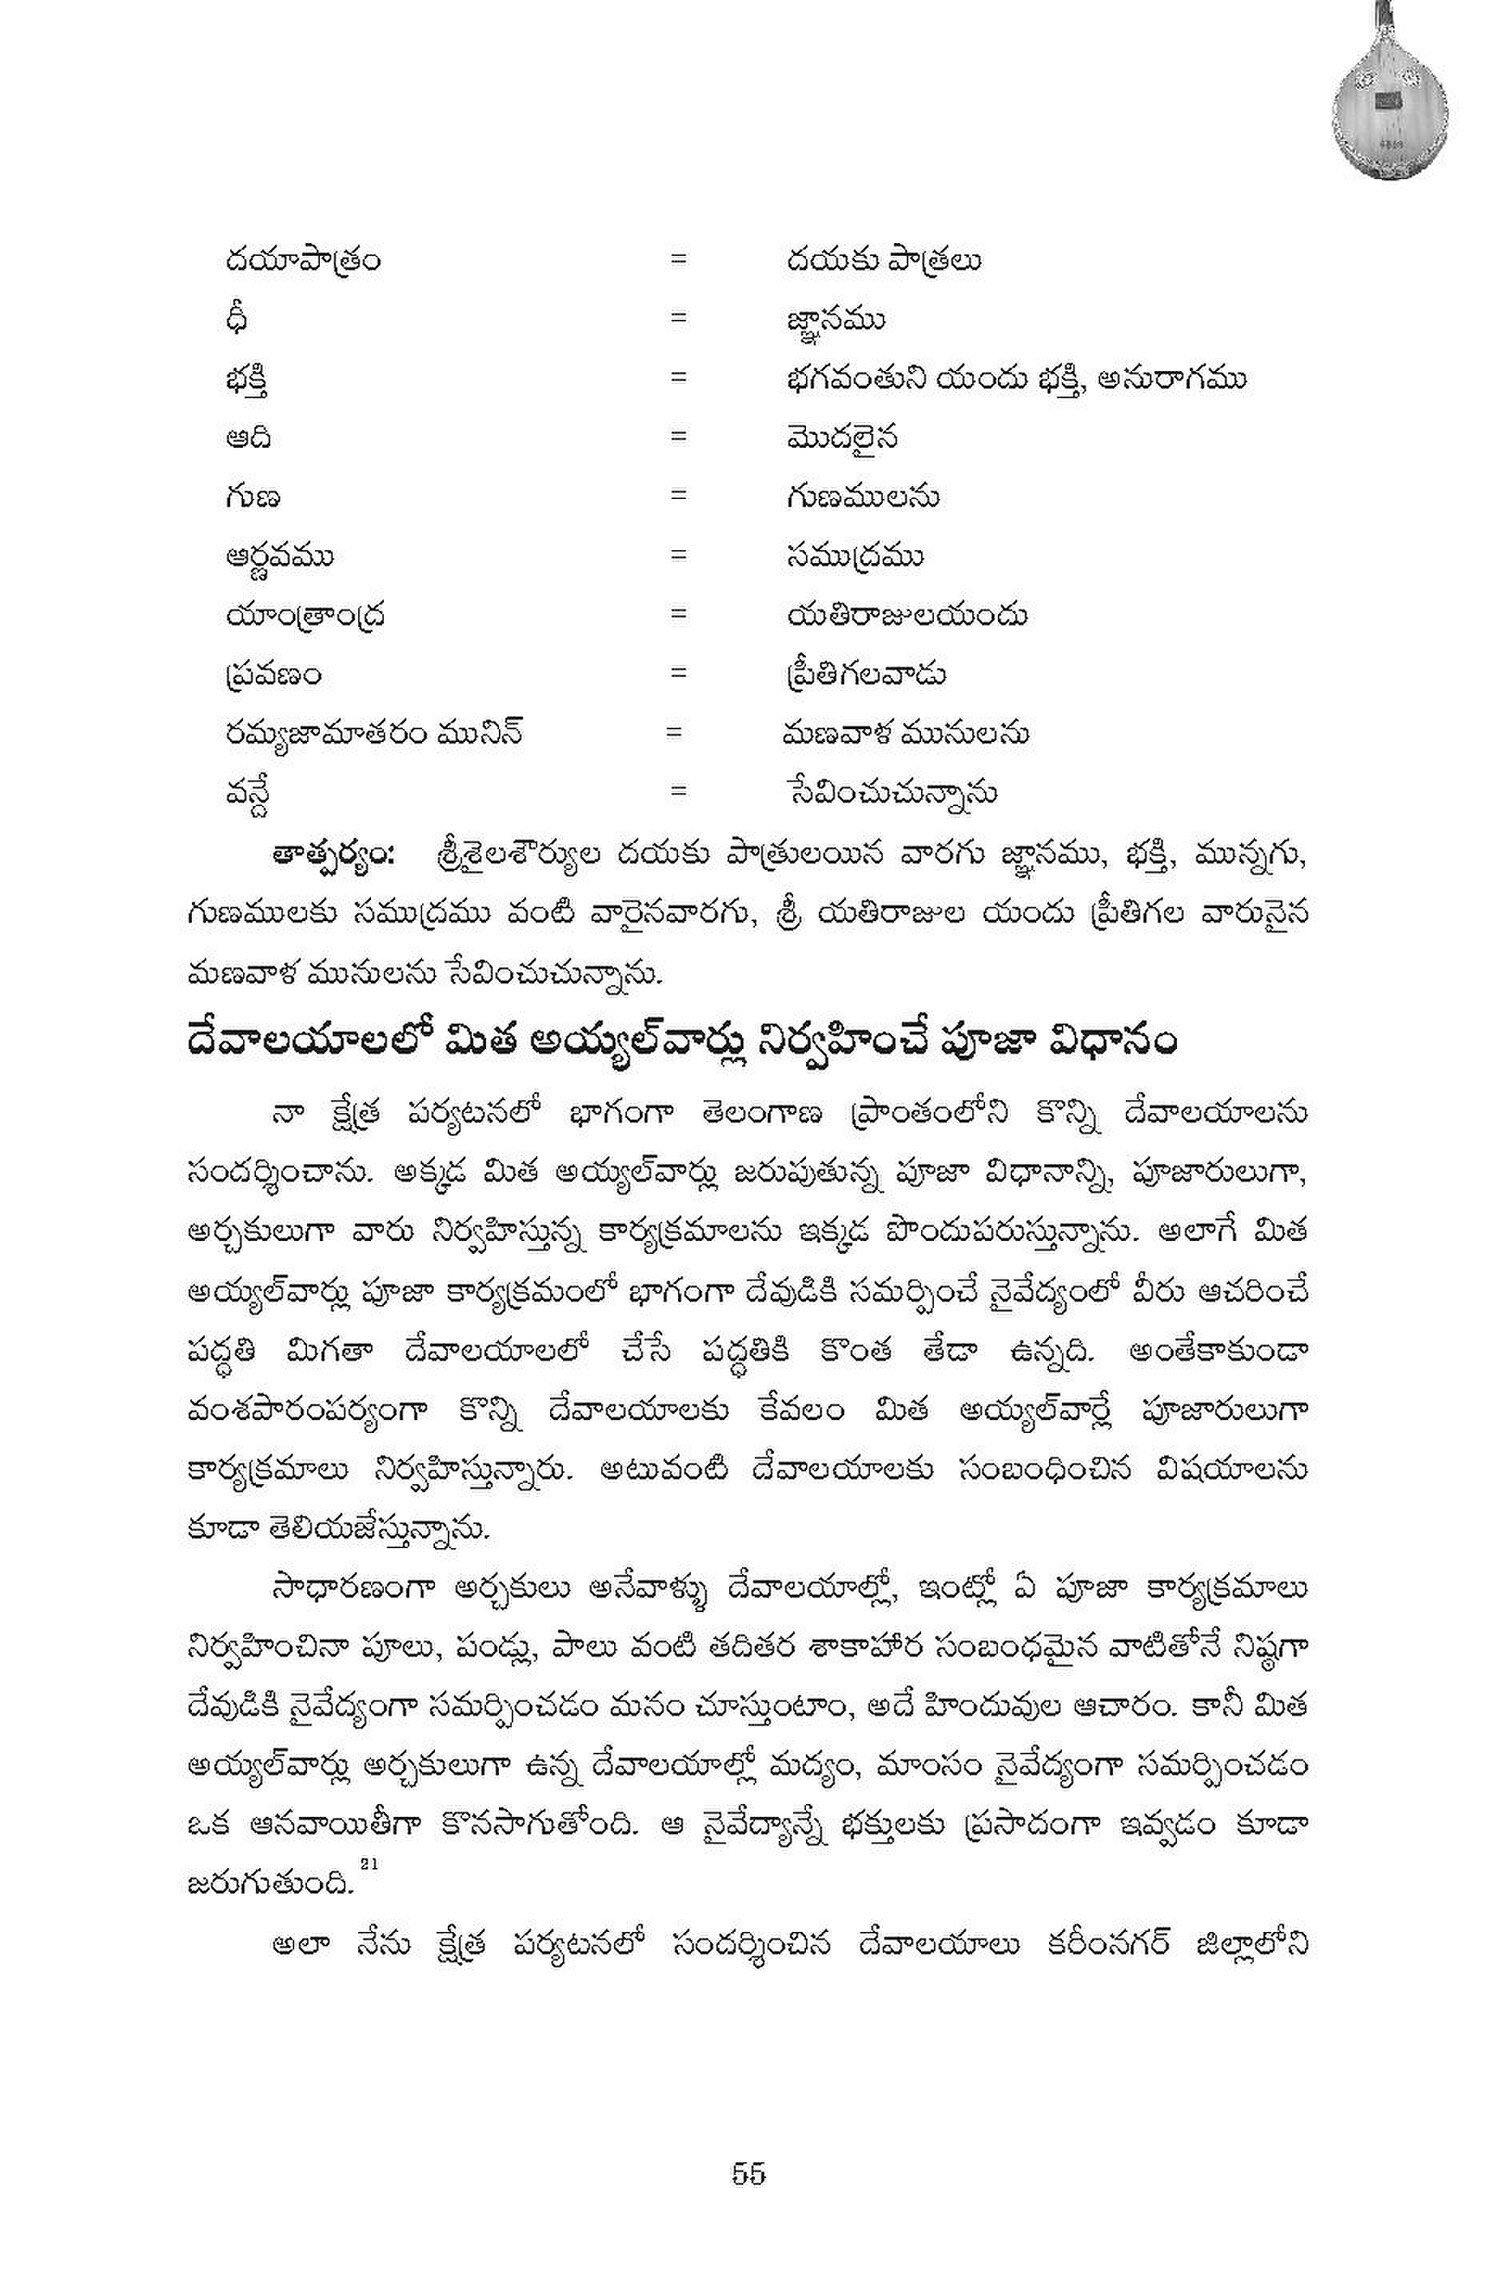+ దయాపాత్రం దయకు పాత్రలు ధీ జ్ఞానము భక్తి భగవంతుని యందు భక్తి, అనురాగము ఆది మొదలైన గుణ గుణములను ఆర్జవము సముద్రము యాంత్రాంద్ర యతిరాజులయందు ప్రవణం ప్రీతిగలవాడు రమ్యజామాతరం మునిన్ మణవాళ మునులను వన్డే సేవించుచున్నాను

తాత్పర్యం: శ్రీశైల శౌర్యుల దయకు పాత్రులయిన వారగు జ్ఞానము, భక్తి, మున్నగు, గుణములకు సముద్రము వంటి వారైనవారగు, శ్రీ యతిరాజుల యందు ప్రీతిగల వారునైన మణవాళ మునులను సేవించుచున్నాను.

దేవాలయాలలో మిత అయ్యల్వార్లు నిర్వహించే పూజా విధానం 

నా క్షేత్ర పర్యటనలో భాగంగా తెలంగాణ ప్రాంతంలోని కొన్ని దేవాలయాలను సందర్శించాను. అక్కడ మిత అయ్యల్వార్లు జరుపుతున్న పూజా విధానాన్ని, పూజారులుగా, అర్చకులుగా వారు నిర్వహిస్తున్న కార్యక్రమాలను ఇక్కడ పొందుపరుస్తున్నాను. అలాగే మిత అయ్యల్వార్లు పూజా కార్యక్రమంలో భాగంగా దేవుడికి సమర్పించే నైవేద్యంలో వీరు ఆచరించే పద్ధతి మిగతా దేవాలయాలలో చేసే పద్ధతికి కొంత తేడా ఉన్నది. అంతేకాకుండా వంశపారంపర్యంగా కొన్ని దేవాలయాలకు కేవలం మిత అయ్యల్వార్లే పూజారులుగా కార్యక్రమాలు నిర్వహిస్తున్నారు. అటువంటి దేవాలయాలకు సంబంధించిన విషయాలను కూడా తెలియజేస్తున్నాను.

సాధారణంగా అర్చకులు అనేవాళ్ళు దేవాలయాల్లో, ఇంట్లో ఏ పూజా కార్యక్రమాలు నిర్వహించినా పూలు, పండ్లు, పాలు వంటి తదితర శాకాహార సంబంధమైన వాటితోనే నిష్ఠగా దేవుడికి నైవేద్యంగా సమర్పించడం మనం చూస్తుంటాం, అదే హిందువుల ఆచారం. కానీ మిత అయ్యల్వార్లు అర్చకులుగా ఉన్న దేవాలయాల్లో మద్యం, మాంసం నైవేద్యంగా సమర్పించడం ఒక ఆనవాయితీగా కొనసాగుతోంది. ఆ నైవేద్యాన్నే భక్తులకు ప్రసాదంగా ఇవ్వడం కూడా జరుగుతుంది.21

అలా నేను క్షేత్ర పర్యటనలో సందర్శించిన దేవాలయాలు కరీంనగర్ జిల్లాలోని